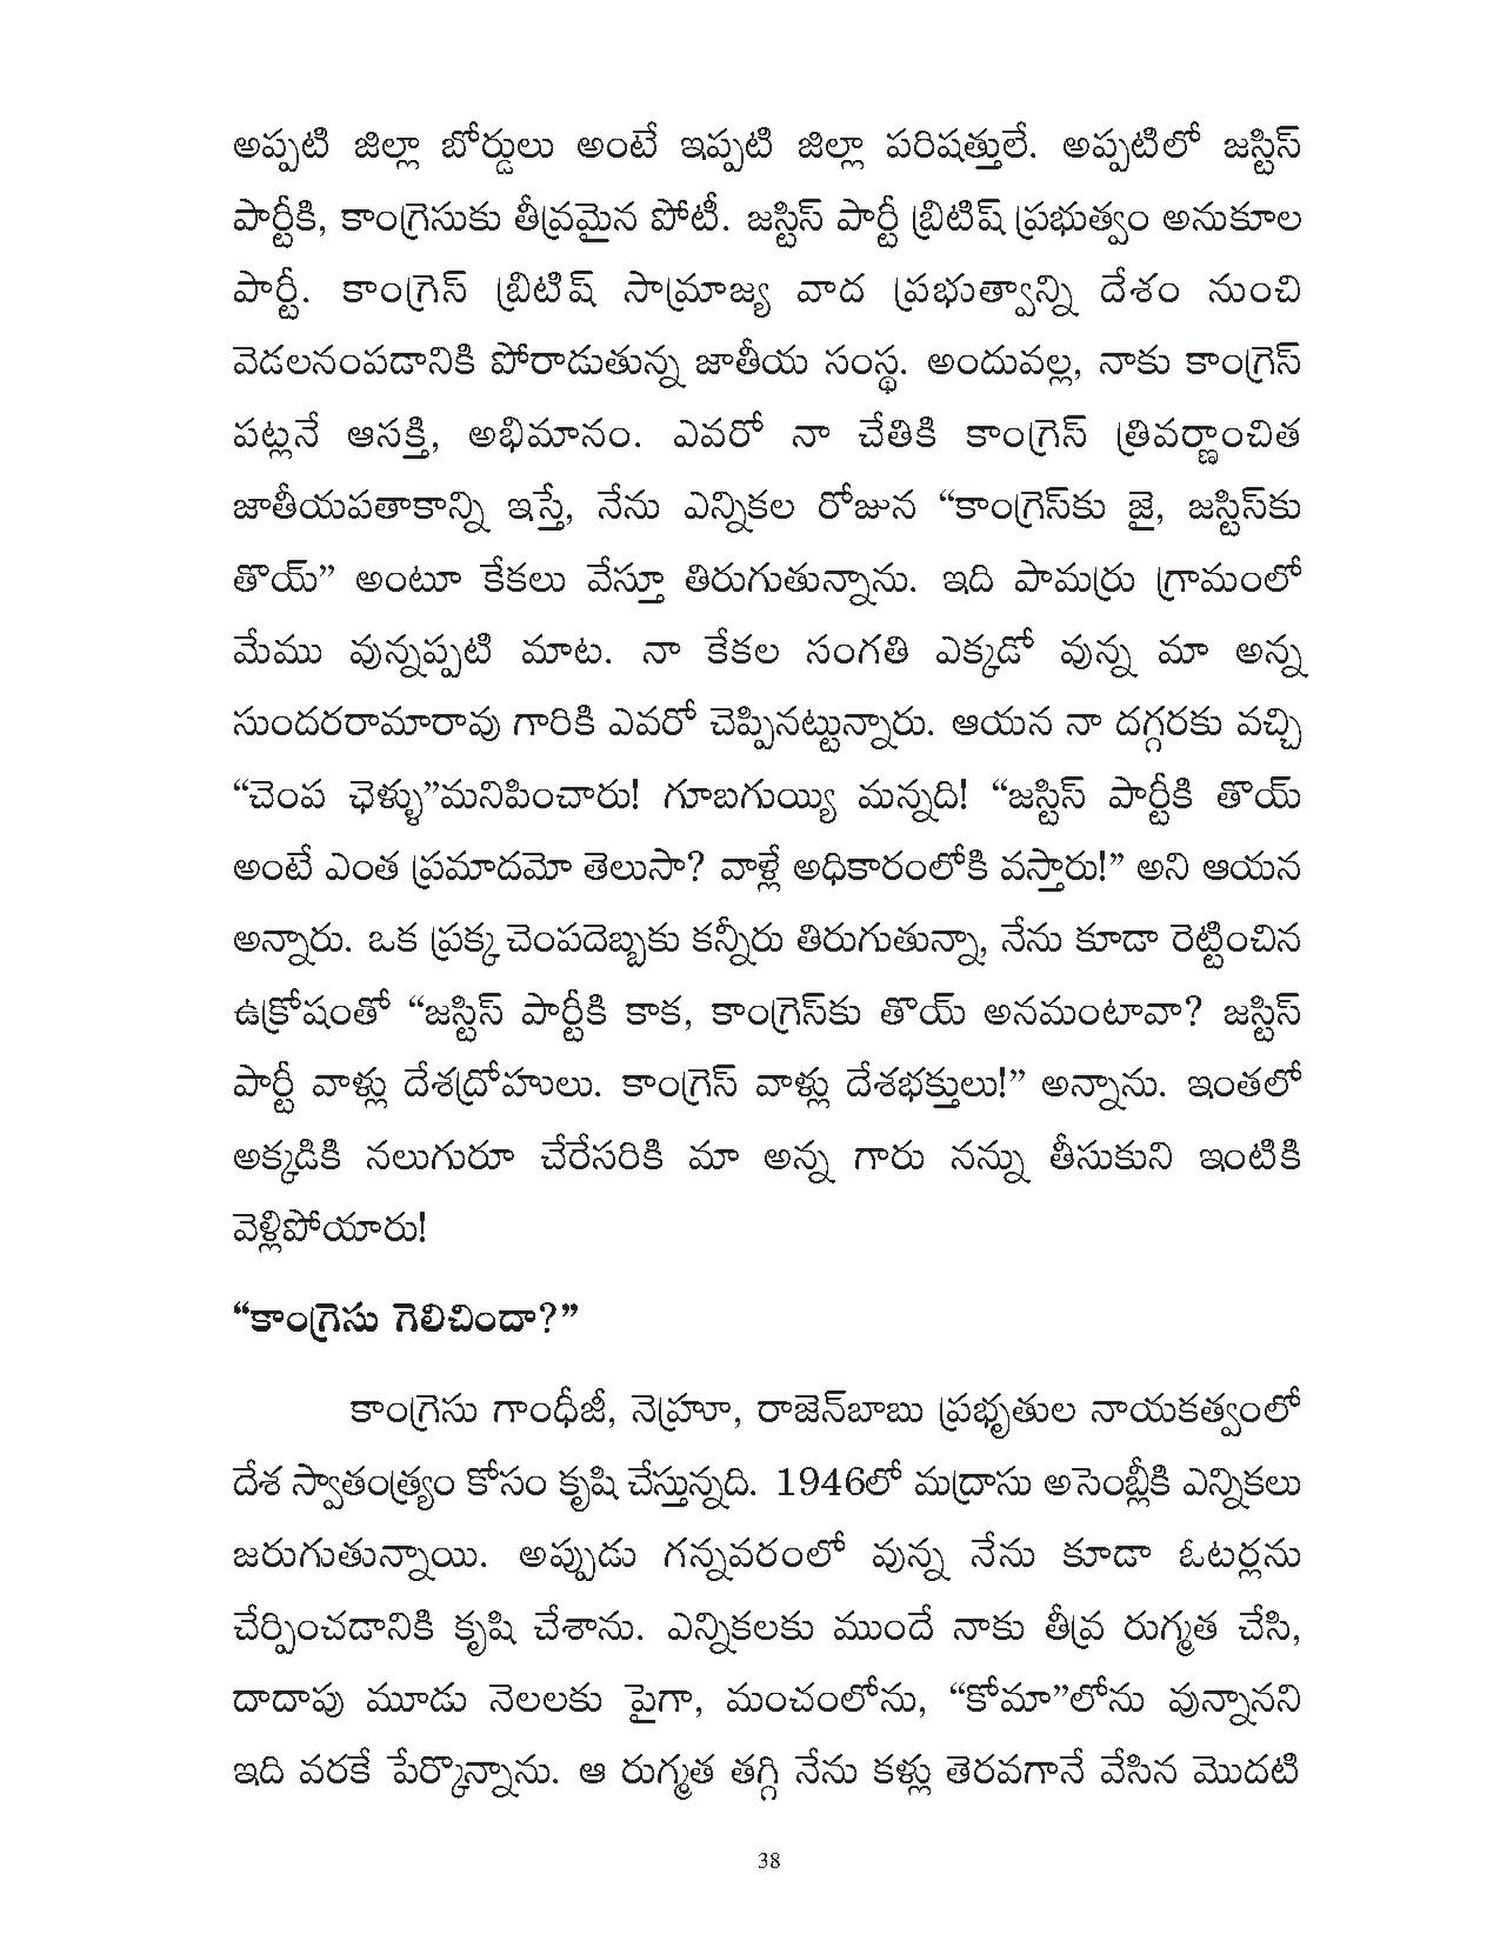అప్పటి జిల్లా బోర్డులు అంటే ఇప్పటి జిల్లా పరిషత్తులే. అప్పటిలో జస్టిస్‌
పార్టీకి, కాంగ్రెసుకు తీవ్రమైన పోటీ. జస్టిస్‌ పార్టీ బ్రిటిష్‌ ప్రభుత్వం అనుకూల
పార్టీ. కాంగ్రెస్‌ బ్రిటిష్‌ సామ్రాజ్య వాద ప్రభుత్వాన్ని దేశం నుంచి
వెడలనంపడానికి పోరాడుతున్న జాతీయ సంస్థ. అందువల్ల, నాకు కాంగ్రెస్‌
పట్లనే ఆసక్తి, అభిమానం. ఎవరో నా చేతికి కాంగ్రెస్‌ త్రివర్ణాంచిత
జాతీయపతాకాన్ని ఇస్తే, నేను ఎన్నికల రోజున "కాంగ్రెస్‌కు జై, జస్టిస్‌కు
తొయ్" అంటూ కేకలు వేస్తూ తిరుగుతున్నాను. ఇది పామర్రు గ్రామంలో
మేము వున్నప్పటి మాట. నా కేకల సంగతి ఎక్కడో వున్న మా అన్న
సుందరరామారావు గారికి ఎవరో చెప్పినట్టున్నారు. ఆయన నా దగ్గరకు వచ్చి
"చెంప ఛెళ్ళు"మనిపించారు! గూబగుయ్యి మన్నది! "జస్టిస్‌ పార్టీకి తొయ్ 
అంటే ఎంత ప్రమాదమో తెలుసా? వాళ్లే అధికారంలోకి వస్తారు!" అని ఆయన
అన్నారు. ఒక ప్రక్క చెంపదెబ్బకు కన్నీరు తిరుగుతున్నా, నేను కూడా రెట్టించిన
ఉక్రోషంతో "జస్టిస్‌ పార్టీకి కాక, కాంగ్రెస్‌కు తొయ్ అనమంటావా? జస్టిస్‌
పార్టీ వాళ్లు దేశద్రోహులు. కాంగ్రెస్‌ వాళ్లు దేశభక్తులు!" అన్నాను. ఇంతలో
అక్కడికి నలుగురూ చేరేసరికి మా అన్న గారు నన్ను తీసుకుని ఇంటికి
వెళ్లిపోయారు!
"కాంగ్రెసు గెలిచిందా?"
కాంగ్రెసు గాంధీజీ, నెహ్రూ, రాజెన్‌బాబు ప్రభృతుల నాయకత్వంలో
దేశ స్వాతంత్య్రం కోసం కృషి చేస్తున్నది. 1946లో మద్రాసు అసెంబ్లీకి ఎన్నికలు
జరుగుతున్నాయి. అప్పుడు గన్నవరంలో వున్న నేను కూడా ఓటర్లను
చేర్పించడానికి కృషి చేశాను. ఎన్నికలకు ముందే నాకు తీవ్ర రుగ్మత చేసి,
దాదాపు మూడు నెలలకు పైగా, మంచంలోను, "కోమా"లోను వున్నానని
ఇది వరకే పేర్కొన్నాను. ఆ రుగ్మత తగ్గి నేను కళ్లు తెరవగానే వేసిన మొదటి